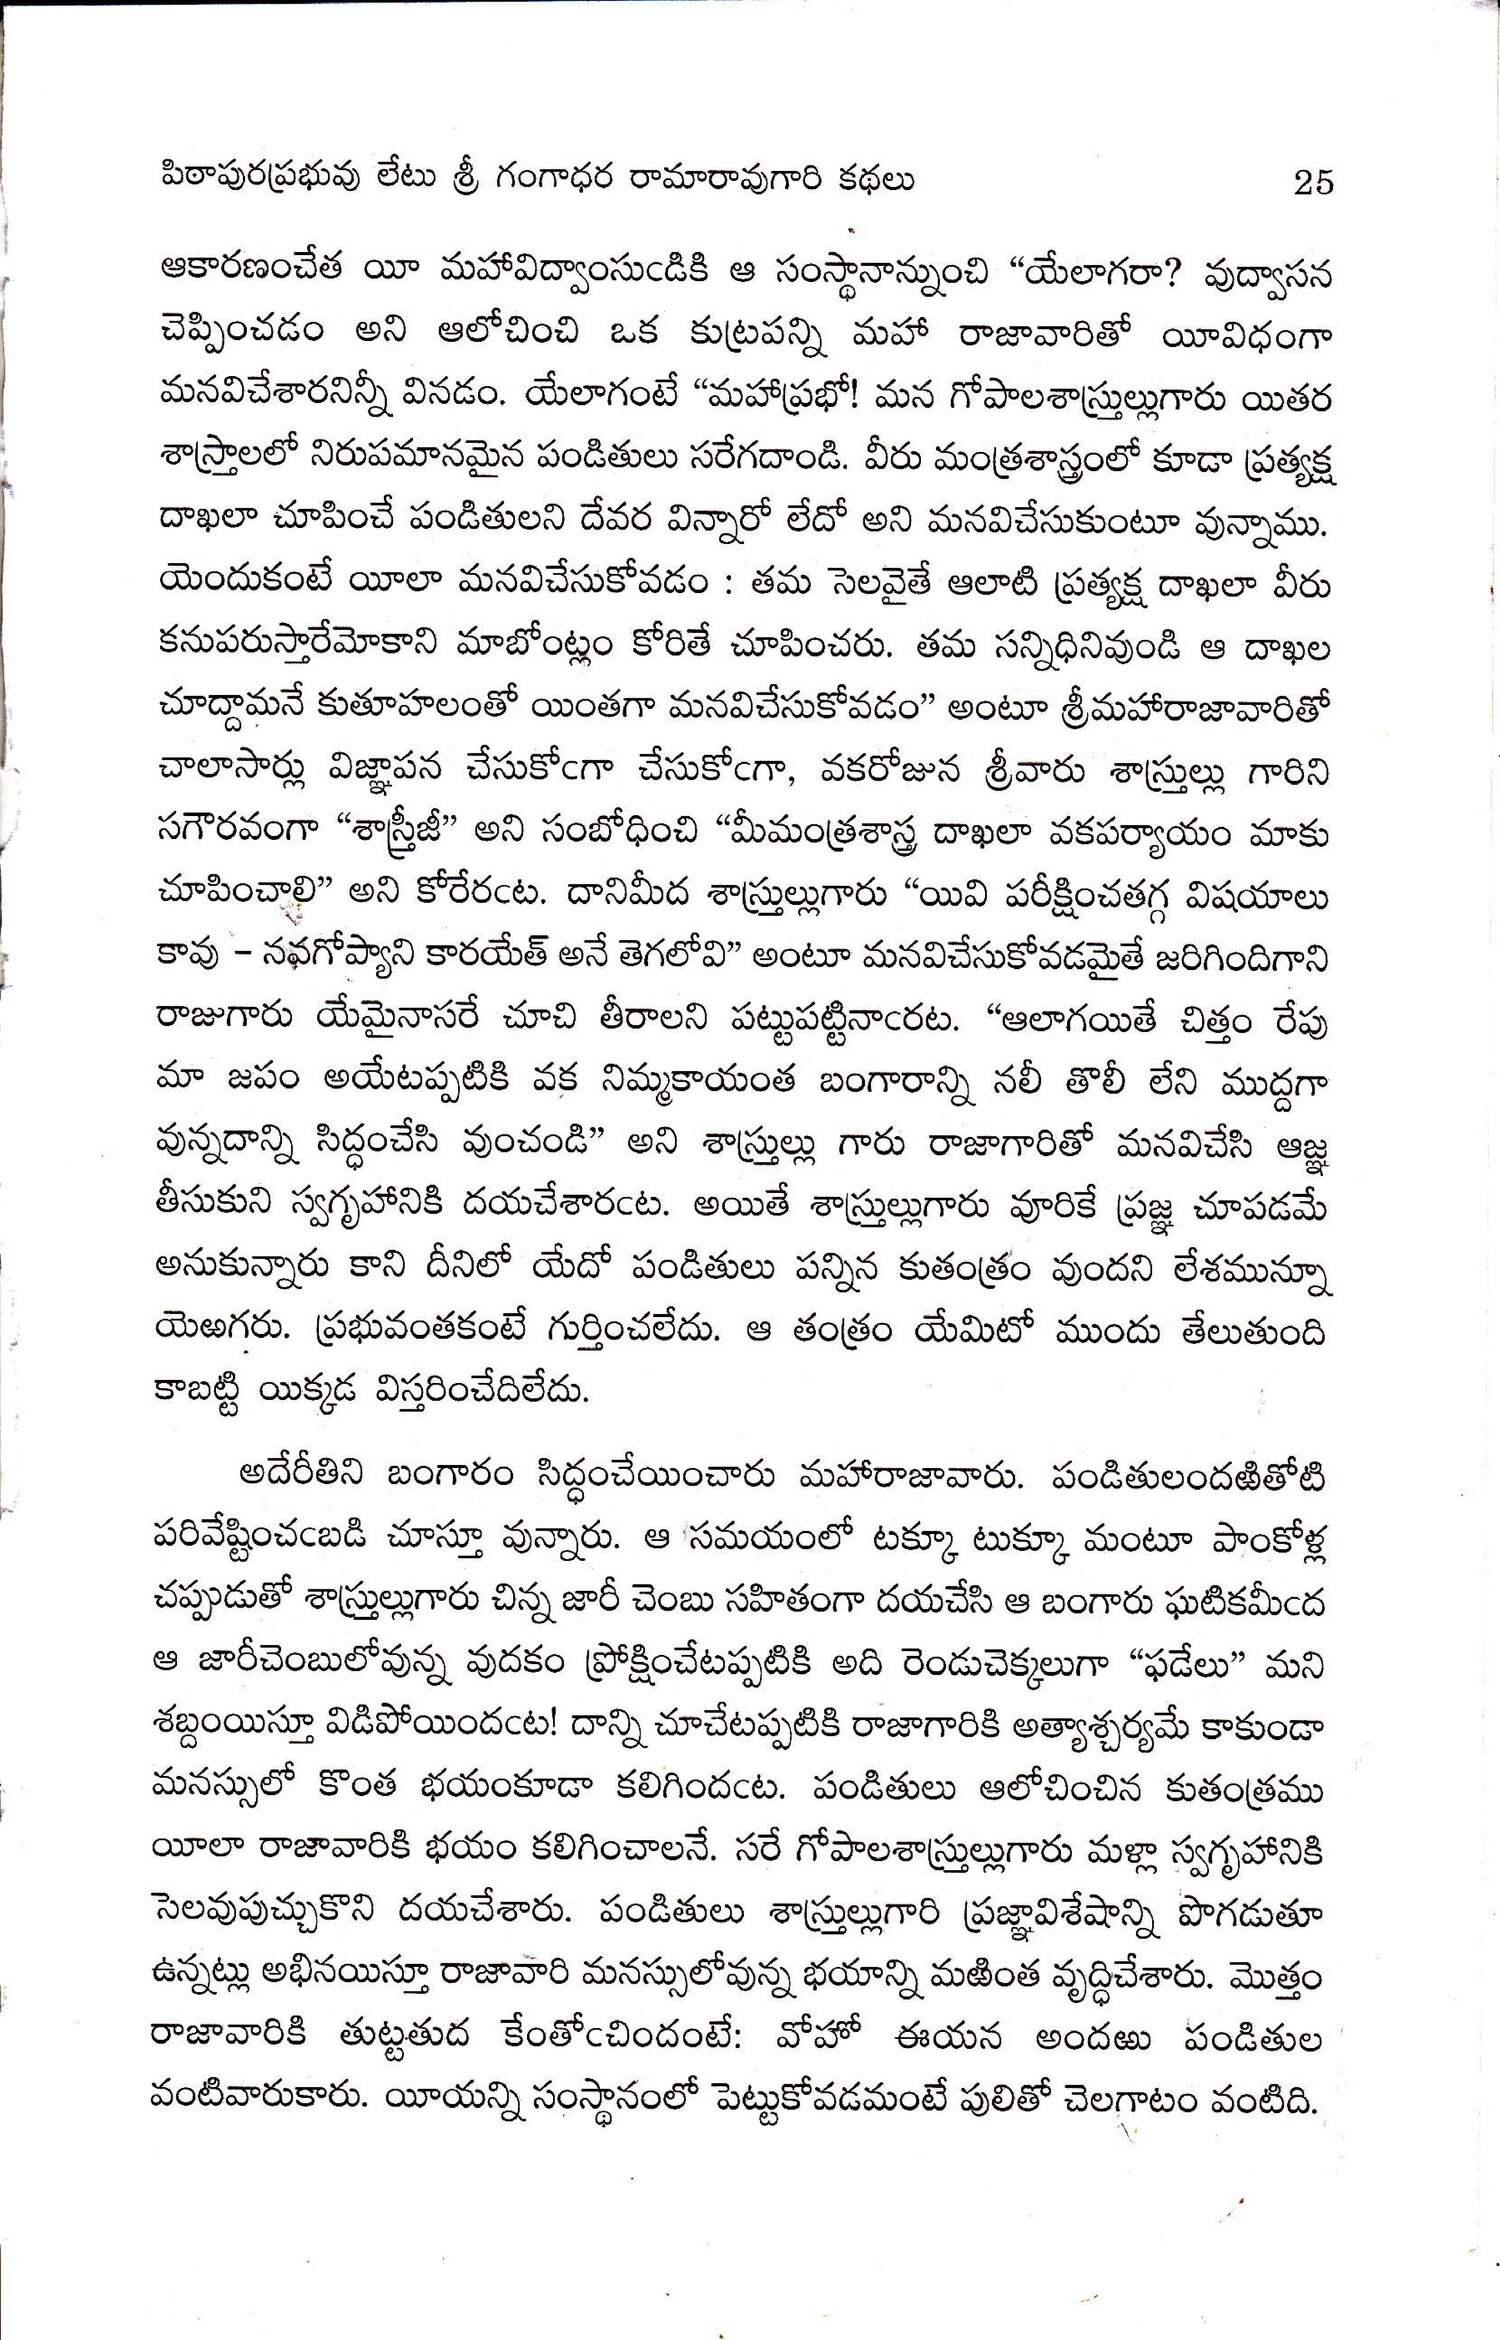ఆకారణంచేత యీ మహావిద్వాంసుcడికి ఆ సంస్థానాన్నుంచి “యేలాగరా? వుద్వాసన చెప్పించడం అని ఆలోచించి ఒక కుట్రపన్ని మహా రాజావారితో యీ విధంగా మనవిచేశారనిన్నీ వినడం. యేలాగంటే “మహాప్రభో! మన గోపాలశాస్రుల్లుగారు యితర శాస్తాలలో నిరుపమానమైన పండితులు సరేగదాండి. వీరు మంత్రశాస్త్రంలో కూడా ప్రత్యక్ష దాఖలా చూపించే పండితులని దేవర విన్నారో లేదో అని మనవిచేసుకుంటూ వున్నాము. యెందుకంటే యీలా మనవిచేసుకోవడం : తమ సెలవైతే ఆలాటి ప్రత్యక్ష దాఖలా వీరు కనుపరుస్తారేమోకాని మాబోంట్లం కోరితే చూపించరు. తమ సన్నిధినివుండి ఆ దాఖల చూద్దామనే కుతూహలంతో యింతగా మనవిచేసుకోవడం" అంటూ శ్రీమహారాజావారితో చాలాసార్లు విజ్ఞాపన చేసుకోంగా చేసుకోంగా, వకరోజున శ్రీవారు శాస్రుల్లు గారిని సగౌరవంగా "శాస్త్రీజీ" అని సంబోధించి "మీమంత్రశాస్త్ర దాఖలా వకపర్యాయం మాకు చూపించాలి" అని కోరేరంట. దానిమీద శాస్రుల్లుగారు “యివి పరీక్షించతగ్గ విషయాలు కావు - నవగోప్యాని కారయేత్ అనే తెగలోవి” అంటూ మనవిచేసుకోవడమైతే జరిగిందిగాని రాజుగారు యేమైనాసరే చూచి తీరాలని పట్టుపట్టినాంరట. “ఆలాగయితే చిత్తం రేపు మా జపం అయేటప్పటికి వక నిమ్మకాయంత బంగారాన్ని నలీ తొలీ లేని ముద్దగా వున్నదాన్ని సిద్ధంచేసి వుంచండి" అని శాస్రుల్లు గారు రాజాగారితో మనవిచేసి ఆజ్ఞ తీసుకుని స్వగృహానికి దయచేశారంట. అయితే శాస్రుల్లుగారు వూరికే ప్రజ్ఞ చూపడమే అనుకున్నారు కాని దీనిలో యేదో పండితులు పన్నిన కుతంత్రం వుందని లేశమున్నూ యెఱగరు. ప్రభువంతకంటే గుర్తించలేదు. ఆ తంత్రం యేమిటో ముందు తేలుతుంది కాబట్టి యిక్కడ విస్తరించేదిలేదు.

అదేరీతిని బంగారం సిద్ధంచేయించారు మహారాజావారు. పండితులందఱితోటి పరివేష్టించంబడి చూస్తూ వున్నారు. ఆ సమయంలో టక్కూ టుక్కూ మంటూ పాంకోళ్ల చప్పడుతో శాస్రుల్లుగారు చిన్న జారీ చెంబు సహితంగా దయచేసి ఆ బంగారు ఘటికమీంద ఆ జారీచెంబులోవున్న వుదకం ప్రోక్షించేటప్పటికి అది రెండుచెక్కలుగా “ఫడేలు" మని శబ్దంయిస్తూ విడిపోయిందంట! దాన్ని చూచేటప్పటికి రాజాగారికి అత్యాశ్చర్యమే కాకుండా మనస్సులో కొంత భయంకూడా కలిగిందంట. పండితులు ఆలోచించిన కుతంత్రము యీలా రాజావారికి భయం కలిగించాలనే. సరే గోపాలశాస్రుల్లుగారు మళ్లా స్వగృహానికి సెలవుపుచ్చుకొని దయచేశారు. పండితులు శాస్రుల్లుగారి ప్రజ్ఞావిశేషాన్ని పొగడుతూ ఉన్నట్లు అభినయిస్తూ రాజావారి మనస్సులోవున్న భయాన్ని మఱింత వృద్ధిచేశారు. మొత్తం రాజావారికి తుట్టతుద కేంతోcచిందంటే: వోహో ఈయన అందఱు పండితుల వంటివారుకారు. యీయన్ని సంస్థానంలో పెట్టుకోవడమంటే పులితో చెలగాటం వంటిది.